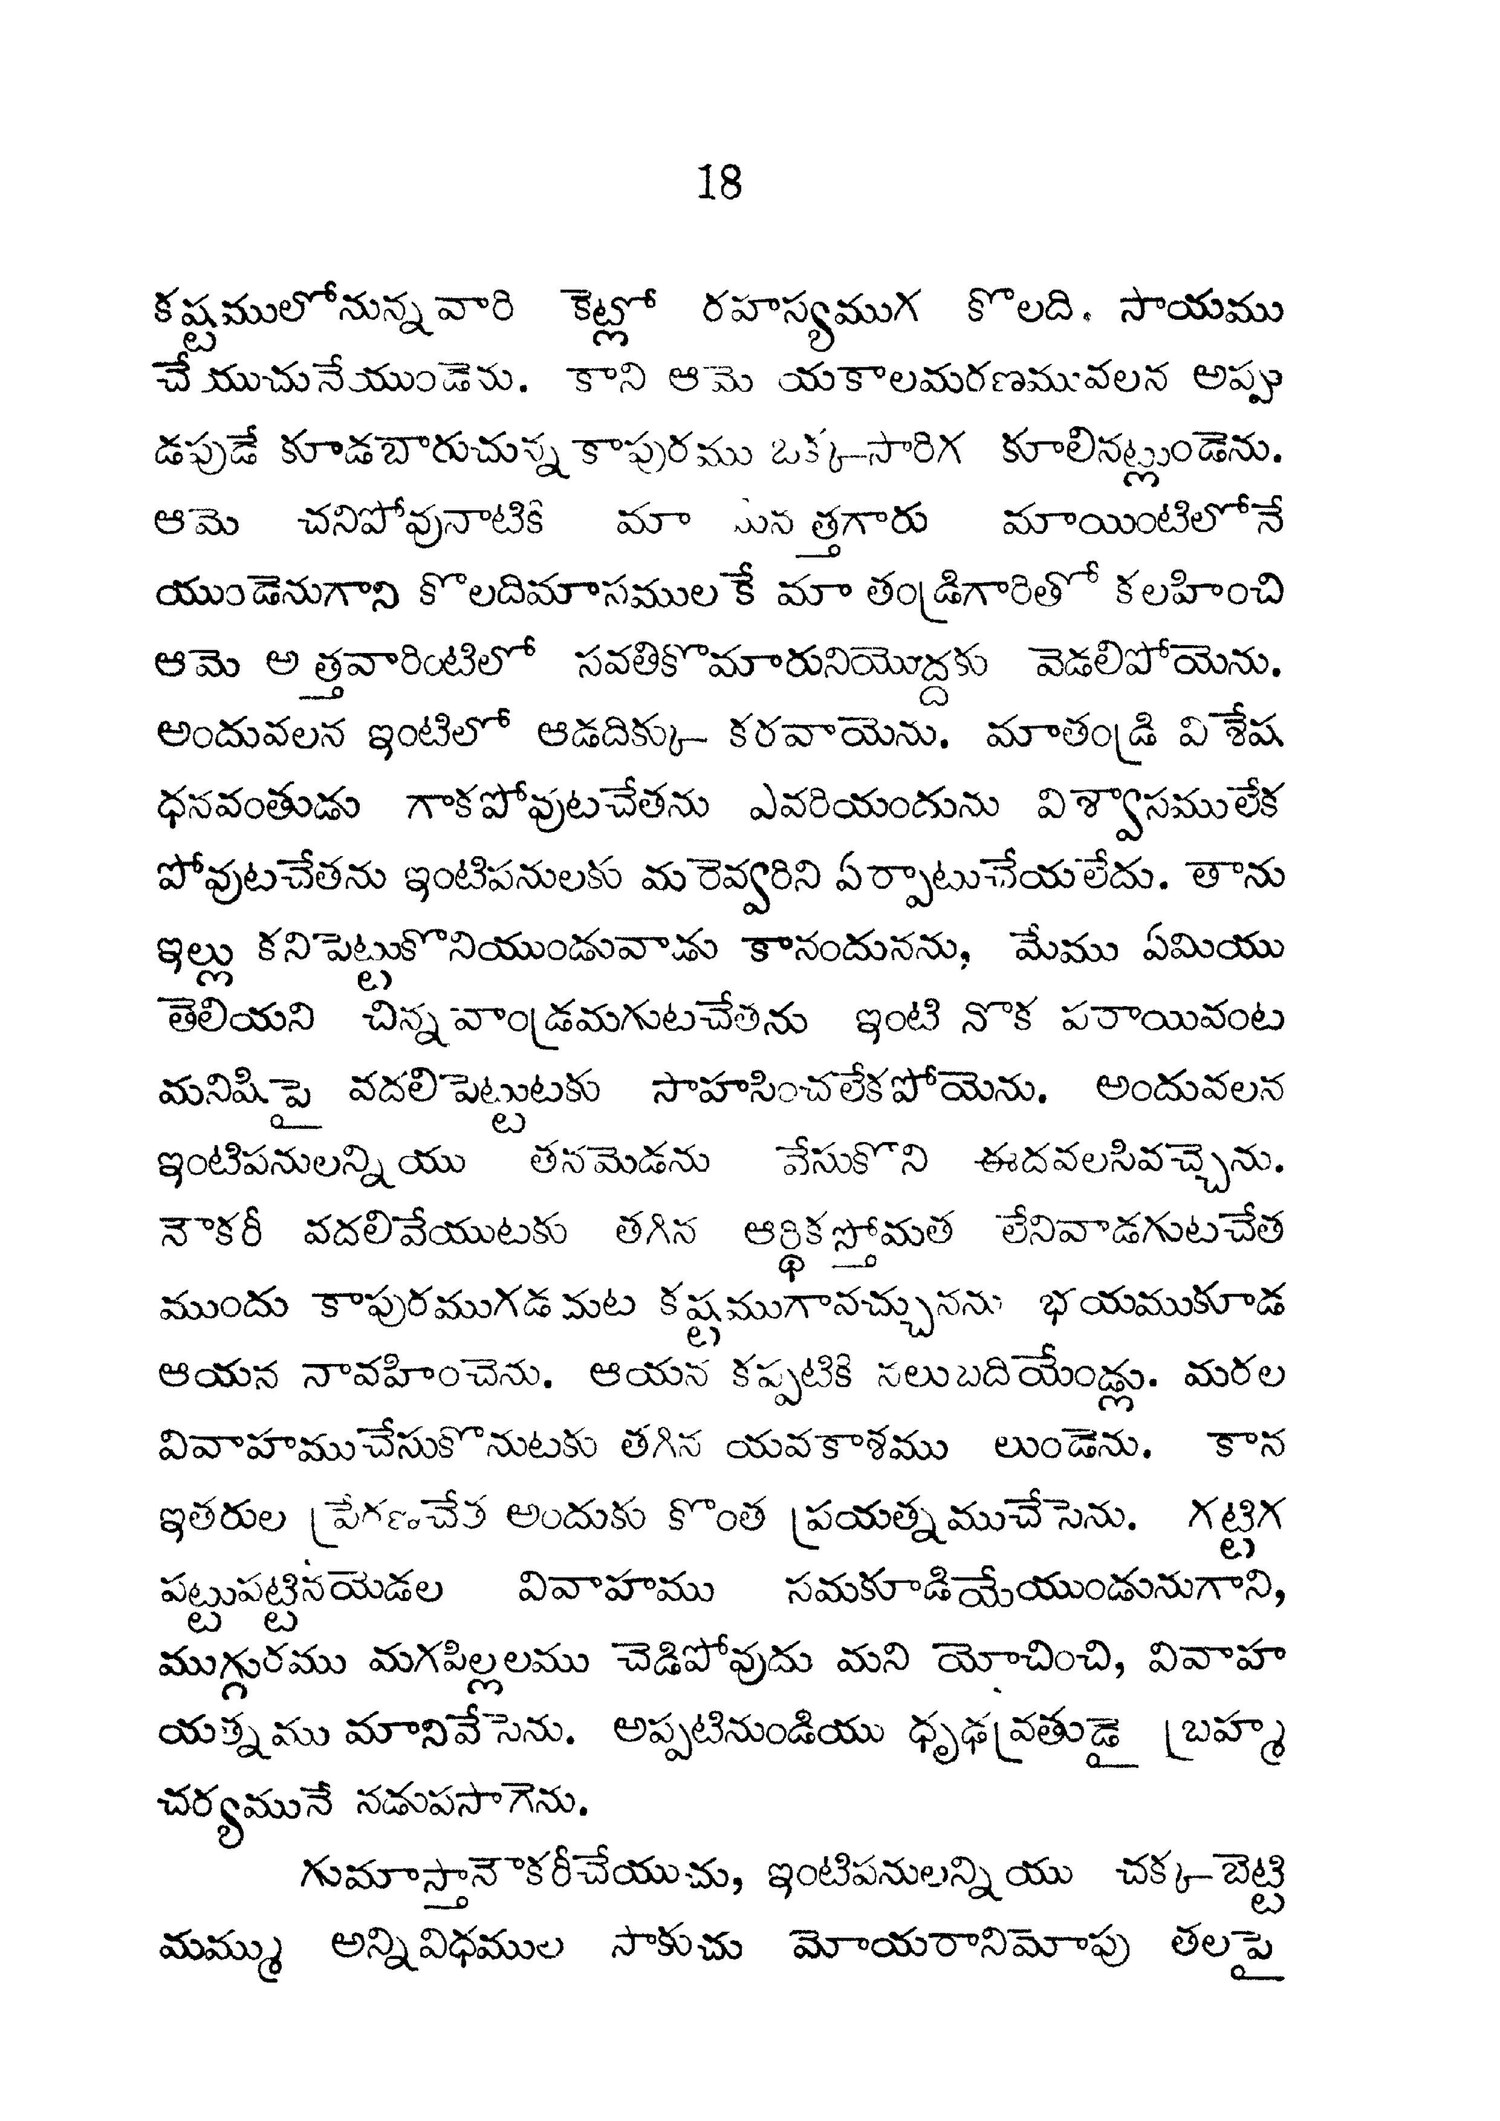కష్టములోనున్నవారి కెట్లో రహస్యముగ కొలది సాయము చేయుచునేయుండెను. కాని ఆమె యకాలమరణమువలన అప్పుడప్పుడే కూడబారుచున్న కాపురము ఒక్కసారిగ కూలినట్లుండెను. ఆమె చనిపోవునాటికి మా మేనత్తగారు మాయింటిలోనే యుండెనుగాని కొలదిమాసములకే మా తండ్రిగారితో కలహించి ఆమె అత్తవారింటిలో సవతికొమారునియొద్దకు వెడలిపోయెను. అందువలన ఇంటిలో ఆదదిక్కు కరవాయెను. మాతండ్రి విశేష ధనవంతుడు గాకపోవుటచేతను ఎవరియందును విశ్వాసములేక పోవుటచేతను ఇంటిపనులకు మరెవ్వరిని ఏర్పాటుచేయలేదు. తాను ఇల్లు కనిపెట్టుకొనియుండువాడు కానందునను, మేము ఏమియు తెలియని చిన్నవాండ్రమగుటచేతను ఇంటి నొక పరాయివంట మనిషిపై వదలిపెట్టుటకు సాహసించలేకపోయెను. అందువలన ఇంటిపనులన్నియు తనమెడను వేసుకొని ఈదవలసివచ్చెను. నౌకరీ వదలివేయుటకు తగిన ఆర్థికస్తోమత లేనివాడగుటచేత ముందు కాపురముగడచుట కష్టముగావచ్చునను భయముకూడ ఆయన నావహించెను. ఆయన కప్పటికి నలుబదియేండ్లు. మరల వివాహముచేసుకొనుటకు తగిన యవకాశము లుండెను. కాన ఇతరుల ప్రేరణచేత అందుకు కొంత ప్రయత్నముచేసెను. గట్టిగ పట్టుపట్టినయెడల వివాహము సమకూడియేయుండునుగాని, ముగ్గురము మగపిల్లలము చెడిపోవుదు మని యోచించి, వివాహ యత్నము మానివేసెను. అప్పటినుండియు ధృడవ్రతుడై బ్రహ్మ చర్యమునే నడుపసాగెను.

గుమాస్తానౌకరీచేయుచు, ఇంటిపనులన్నియు చక్కబెట్టి మమ్ము అన్నివిధముల సాకుచు మోయరానిమోపు తలపై